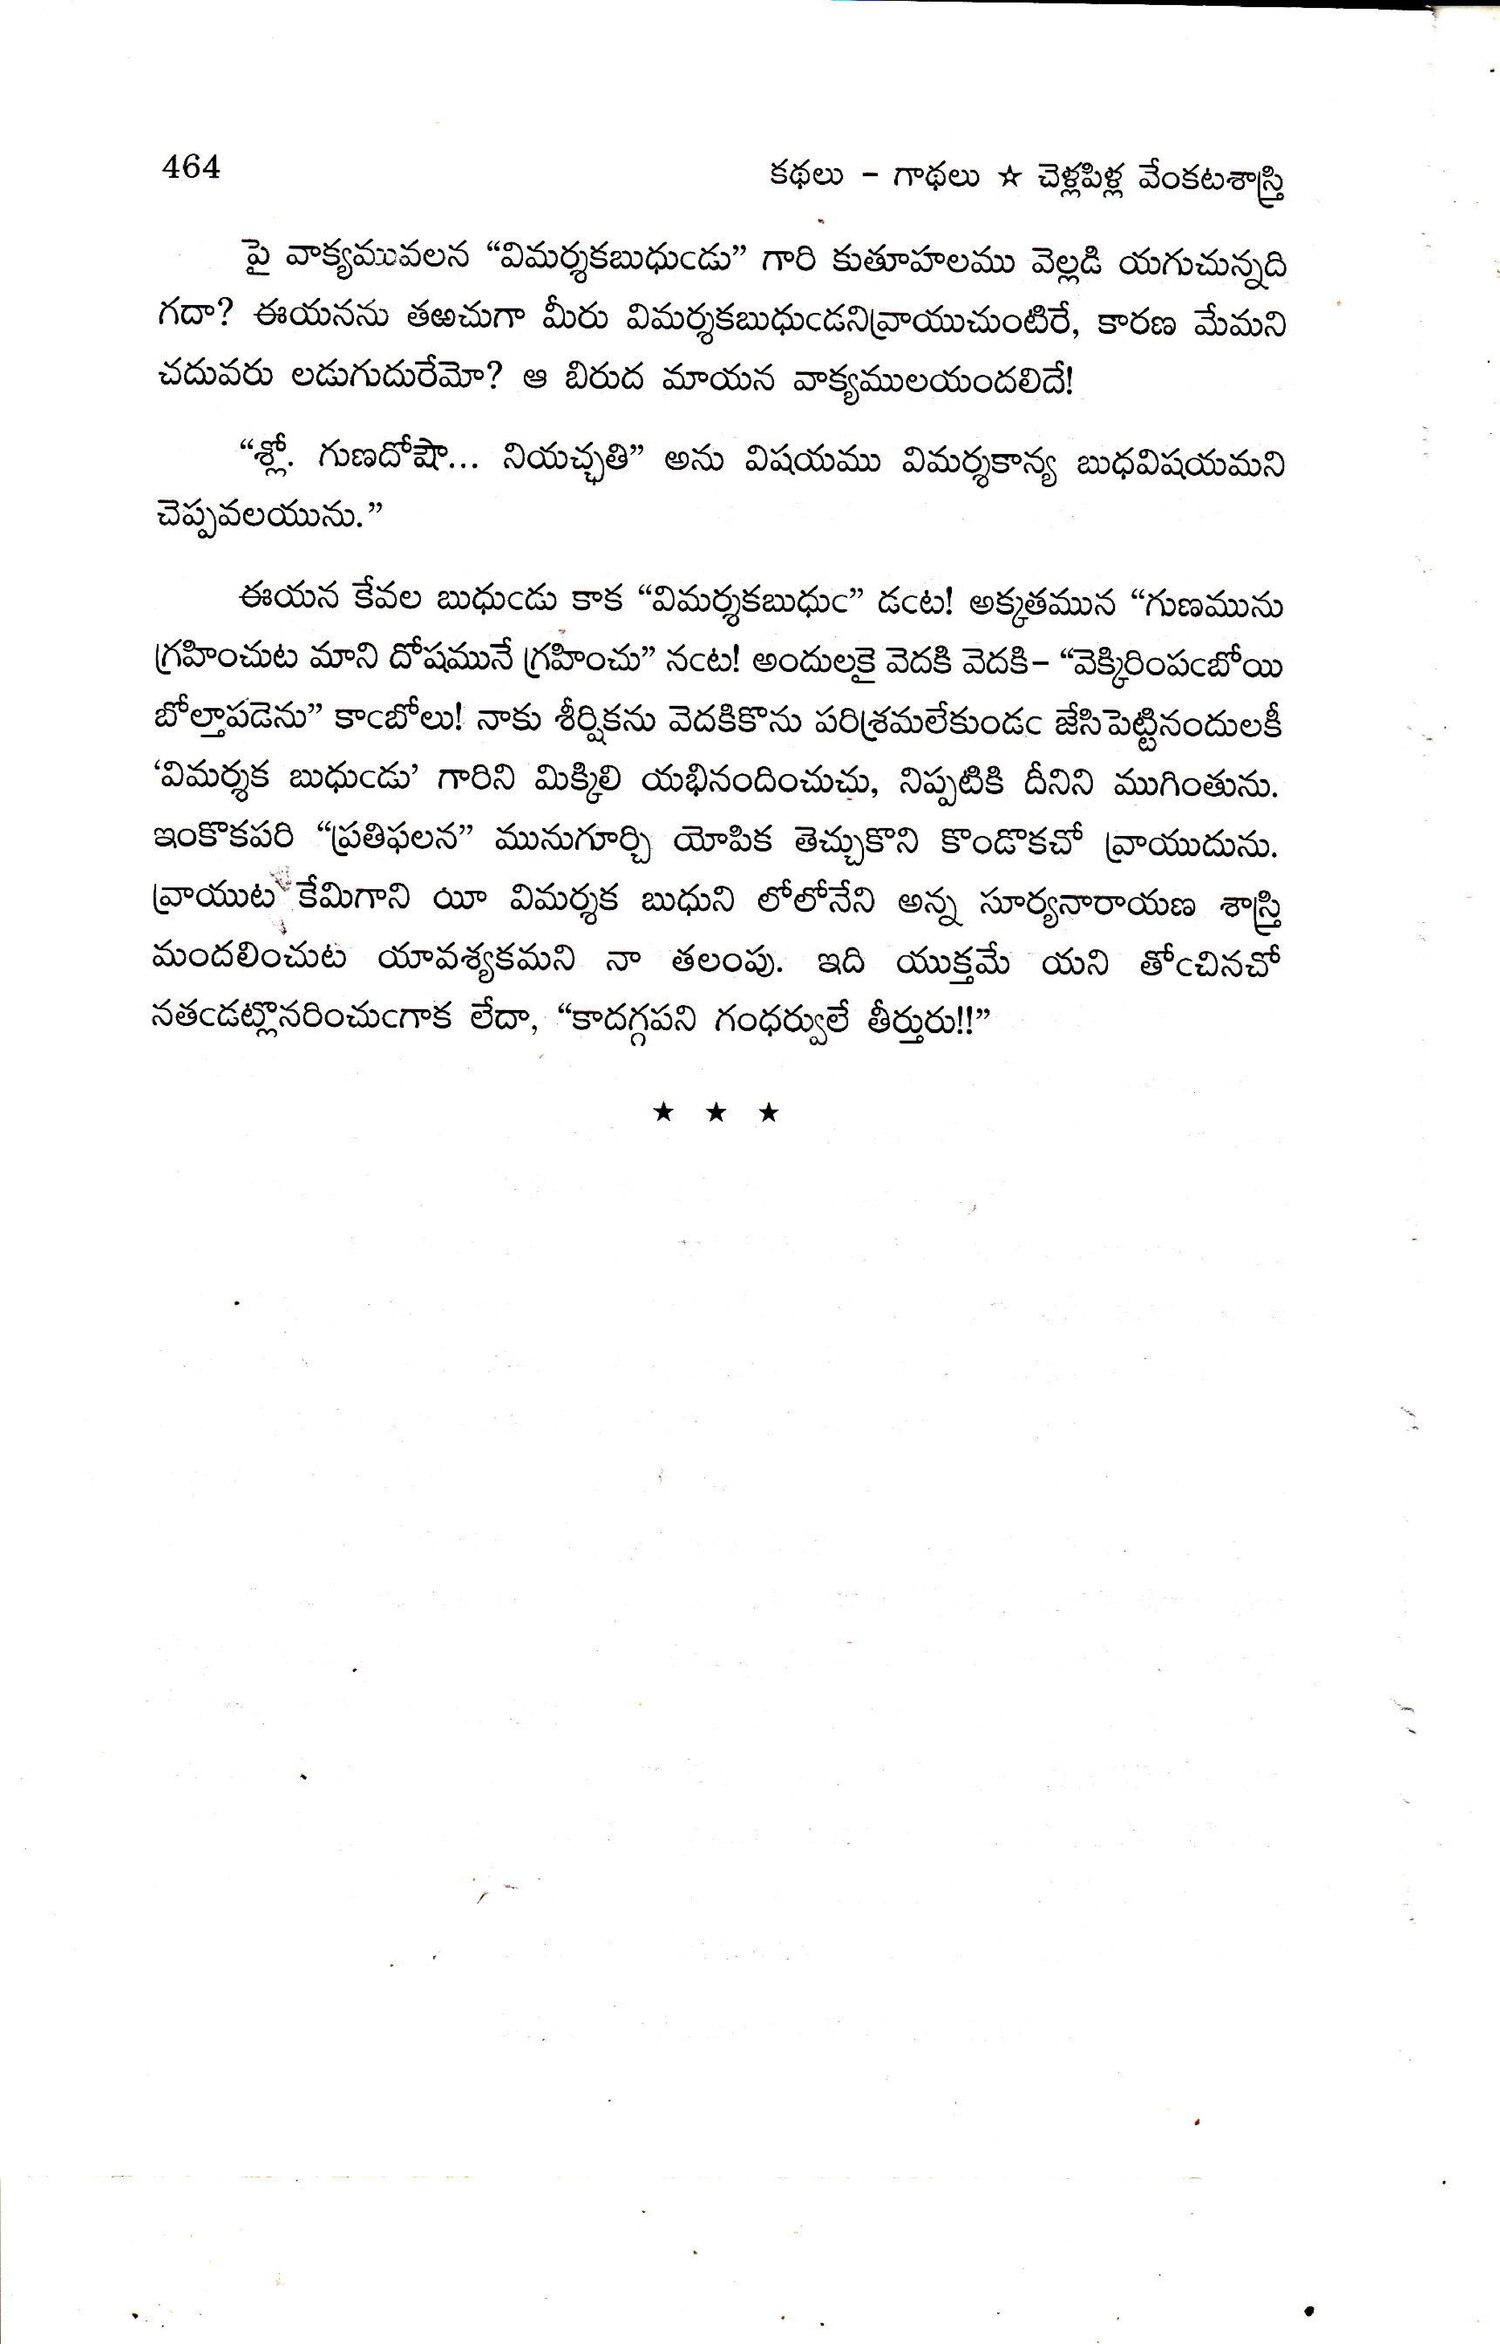పై వాక్యమువలన “విమర్శకబుధుఁడు" గారి కుతూహలము వెల్లడి యగుచున్నది గదా? ఈయనను తఱచుగా మీరు విమర్శకబుధుఁడనివ్రాయుచుంటిరే, కారణ మేమని చదువరు లడుగుదురేమో? ఆ బిరుద మాయన వాక్యములయందలిదే!

“శ్లో గుణదోషౌ. నియచ్ఛతి" అను విషయము విమర్శకాన్య బుధవిషయమని చెప్పవలయును.”

ఈయన కేవల బుధుఁడు కాక "విమర్శకబుధుఁ" డఁట! అక్కతమున “గుణమును గ్రహించుట మాని దోషమునే గ్రహించు" నఁట! అందులకై వెదకి వెదకి- "వెక్కిరింపఁబోయి బోల్తాపడెను" కాంబోలు! నాకు శీర్షికను వెదకికొను పరిశ్రమలేకుండఁ జేసిపెట్టినందులకీ 'విమర్శక బుధుఁడు' గారిని మిక్కిలి యభినందించుచు, నిప్పటికి దీనిని ముగింతును. ఇంకొకపరి “ప్రతిఫలన" మునుగూర్చి యోపిక తెచ్చుకొని కొండొకచో వ్రాయుదును. వ్రాయుట కేమిగాని యీ విమర్శక బుధుని లోలోనేని అన్న సూర్యనారాయణ శాస్త్రి మందలించుట యావశ్యకమని నా తలంపు. ఇది యుక్తమే యని తోఁచినచో నతఁడట్లొనరించుఁగాక లేదా, "కాదగ్గపని గంధర్వులే తీర్తురు!"